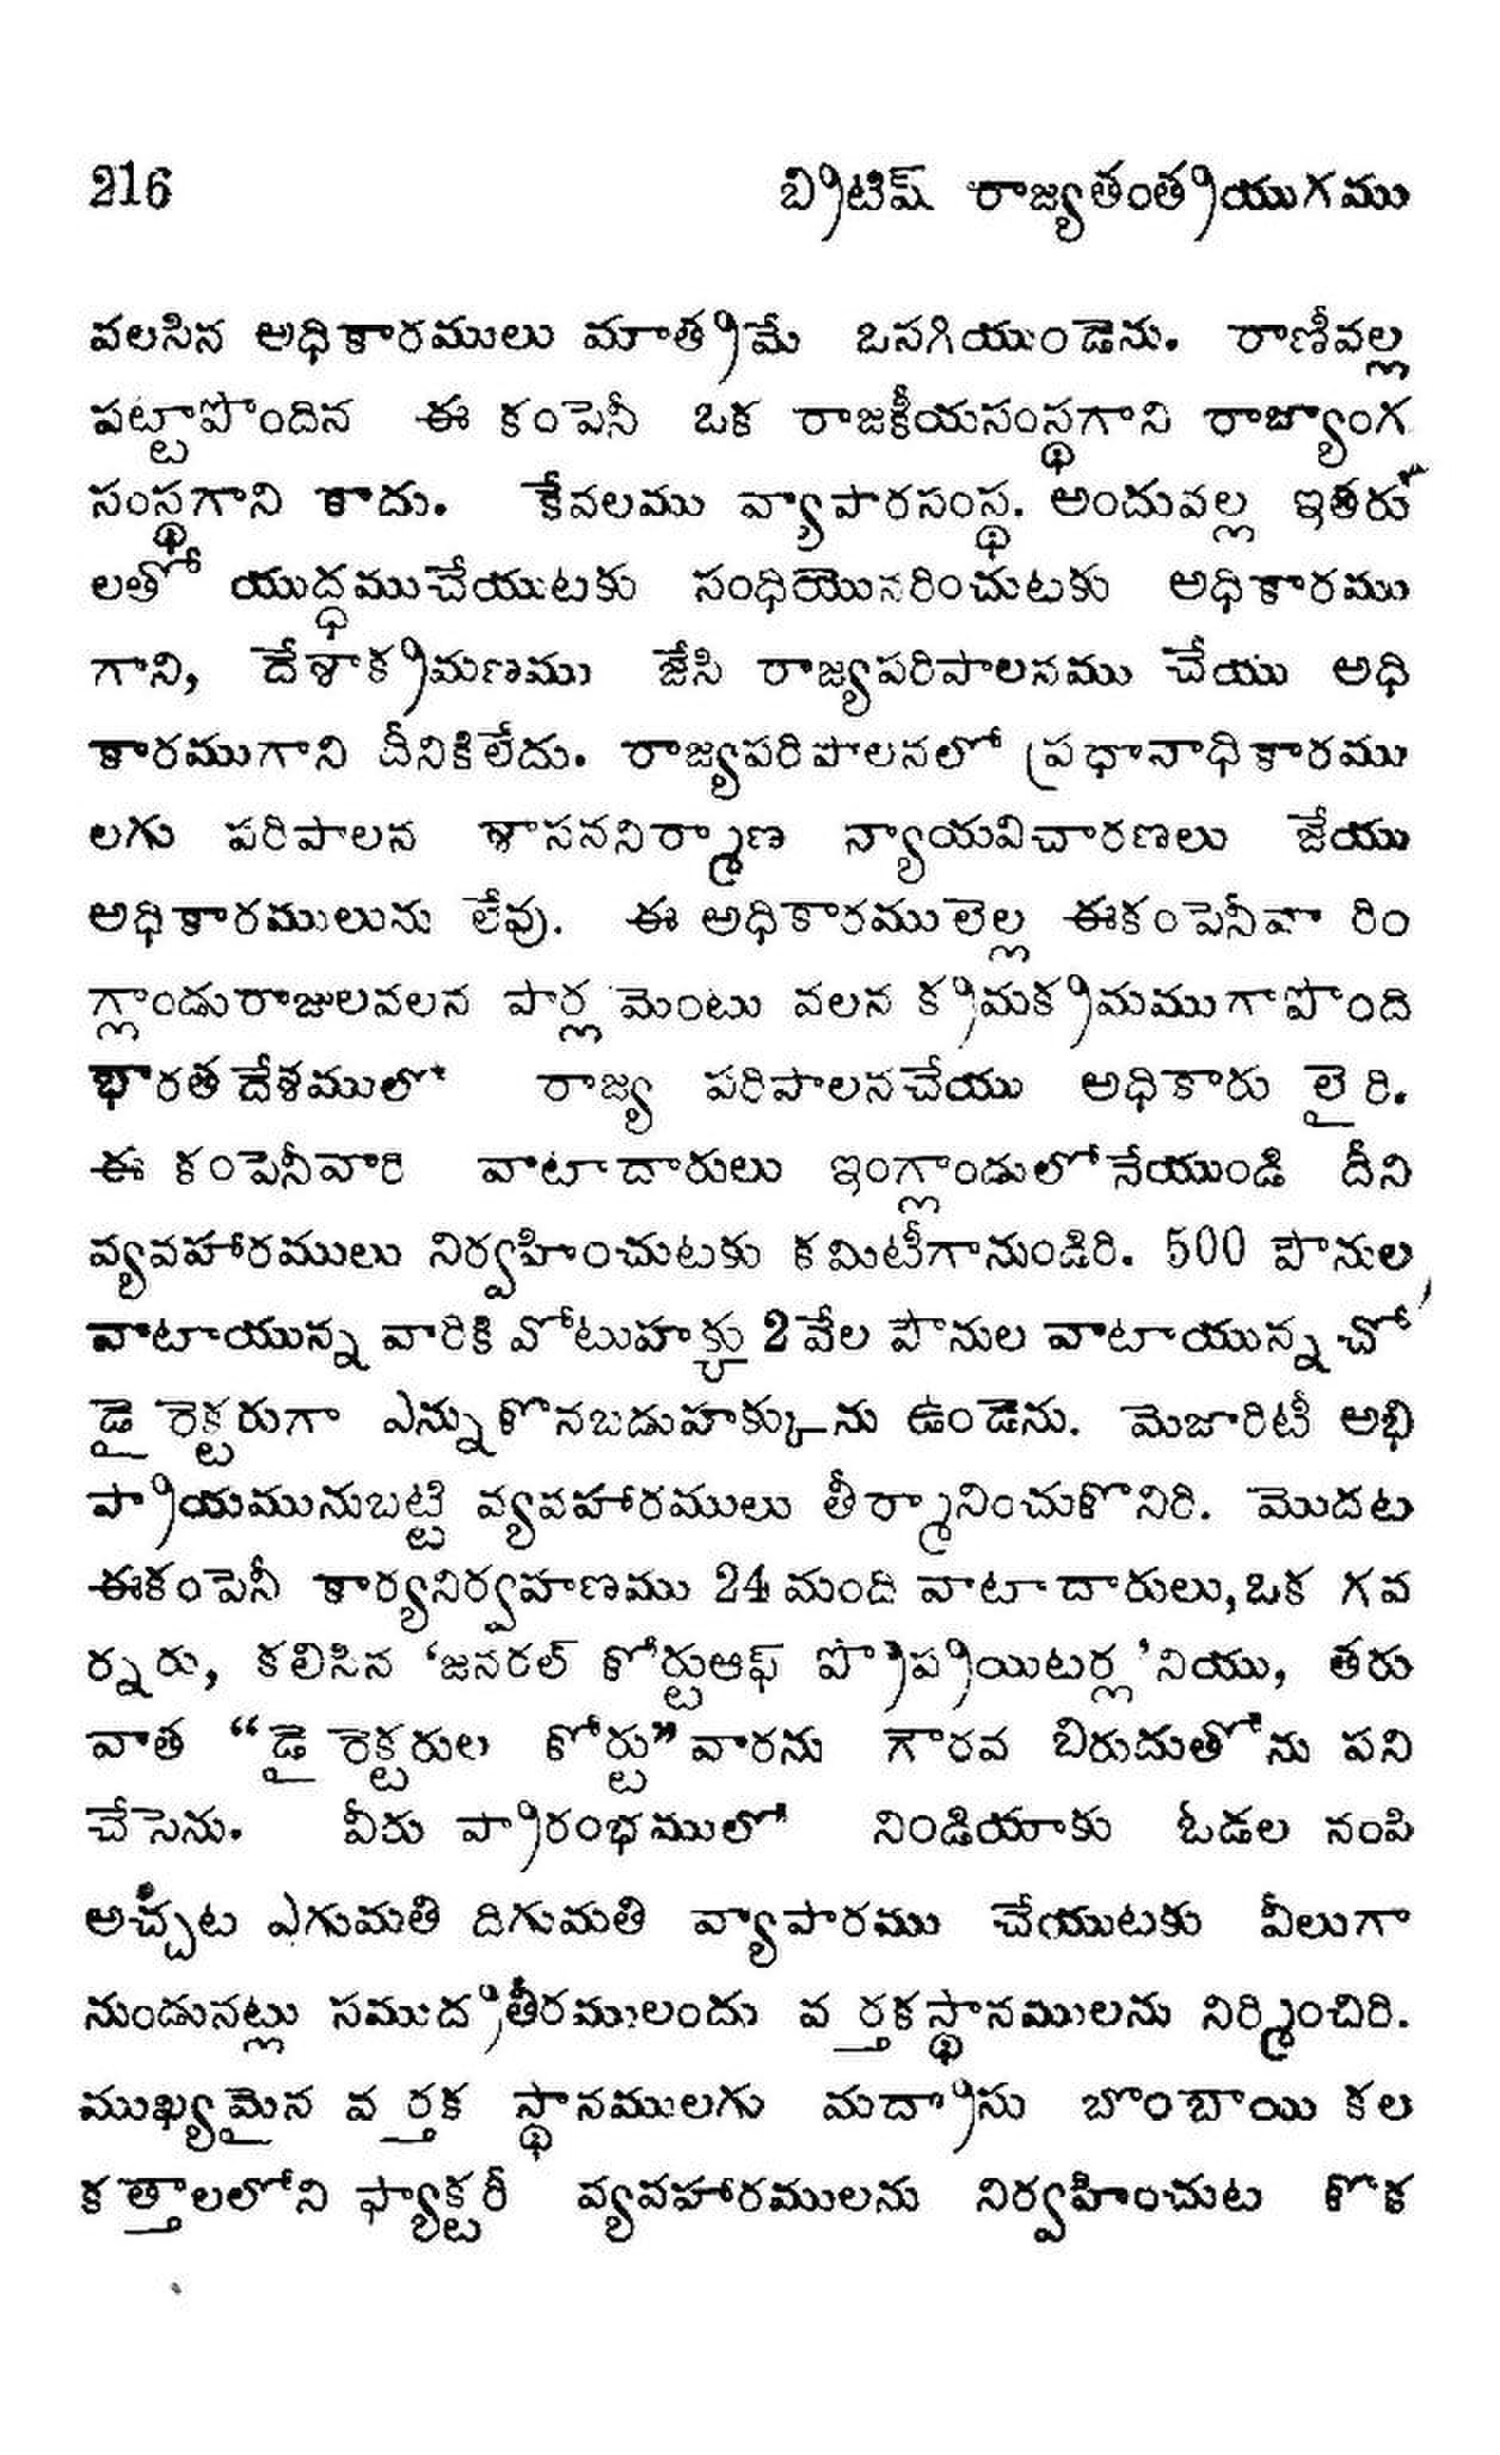వలసిన అధికారములు మాత్రమే ఒసగియుండెను. రాణీవల్ల పట్టాపొందిన ఈ కంపెనీ ఒక రాజకీయసంస్థగాని రాజ్యాంగ సంస్థగాని కాదు. కేవలము వ్యాపారసంస్థ. అందువల్ల ఇతరులతో యుద్ధము చేయుటకు సంధి యొనరించుటకు అధికారము గాని, దేశాక్రమణము జేసి రాజ్యపరిపాలసము చేయు అధికారముగాని దీనికిలేదు. రాజ్యపరిపాలనలో ప్రధానాధికారములగు పరిపాలన శాసననిర్మాణ న్యాయవిచారణలు జేయు అధికారములును లేవు. ఈ అధికారములెల్ల ఈకంపెనీవా రింగ్లాండురాజులవలన పార్లమెంటు వలన క్రమక్రమముగా పొంది భారతదేశములో రాజ్య పరిపాలనచేయు అధికారులైరి. ఈ కంపెనీవారి వాటాదారులు ఇంగ్లాండులోనేయుండి దీని వ్యవహారములు నిర్వహించుటకు కమిటీగానుండిరి. 500 పౌనుల వాటాయున్న వారికి వోటుహక్కు 2 వేల పౌనుల వాటాయున్నచో డైరెక్టరుగా ఎన్నుకొనబడుహక్కును ఉండెను. మెజారిటీ అభిప్రాయమునుబట్టి వ్యవహారములు తీర్మానించుకొనిరి. మొదట ఈకంపెనీ కార్యనిర్వహణము 24 మంది వాటాదారులు, ఒక గవర్నరు, కలిసిన “జనరల్ కోర్టుఆఫ్ ప్రొప్రయిటర్ల 'నియు, తరువాత “డైరెక్టరుల కోర్టు" వారను గౌరవ బిరుదుతోను పనిచేసెను. వీరు ప్రారంభములో నిండియాకు ఓడల నంపి అచ్చట ఎగుమతి దిగుమతి వ్యాపారము చేయుటకు వీలుగా నుండునట్లు సముద్రతీరములందు వర్తకస్థానములను నిర్మించిరి. ముఖ్యమైన వర్తక స్థానములగు మద్రాసు బొంబాయి కలకత్తాలలోని ఫ్యాక్టరీ వ్యవహారములను నిర్వహించుట కొక